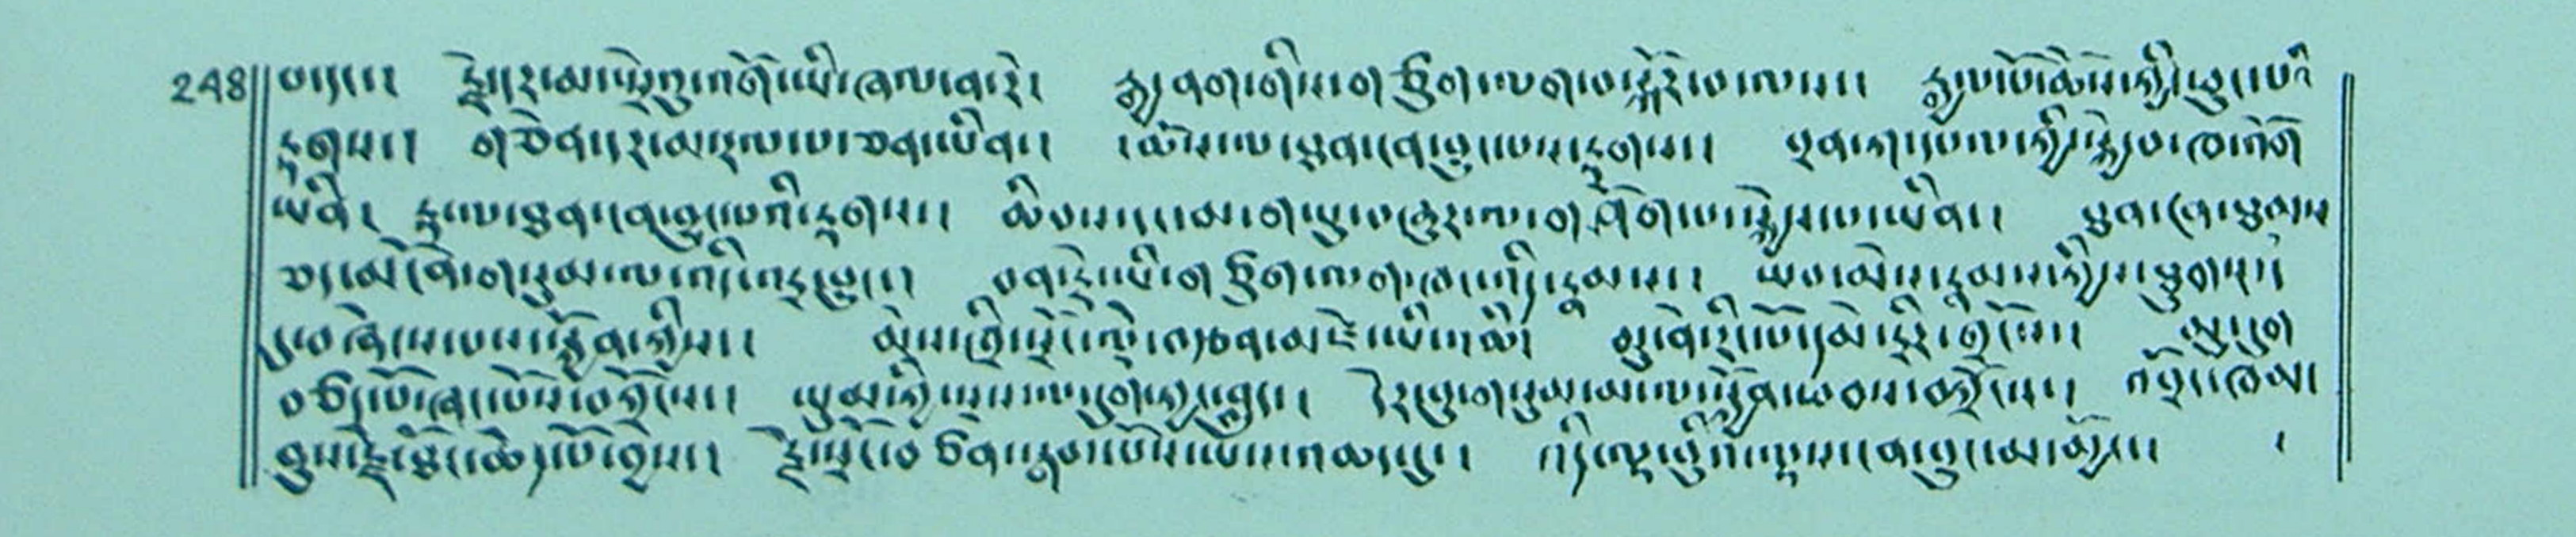པ་དང་། རྗེ་དར་མ་སྤྲེའུ་མགོ་ཡི་ཞལ་ན་རེ། རྒྱ་ནག་གཙུག་ལག་བསྐོར་བ་ལས། རྒྱལ་བོ་ཆོས་ཀྱི་ཕུང་བའི་
རྟགས། གཅེན་དར་མ་རལ་པ་ཅན་ཡིན། ཆོས་ལ་ཐན་ངན་བྱུང་པས་རྟགས། བྲན་ཀ་དཔལ་གྱི་སྐྱེ་བ་ཁ་འོག་
ཡིན། རྟ་ལ་ཐན་ངན་བྱུང་བའི་རྟགས། ཆིབས་དང་མ་གཡུ་བཞུར་ལ་གཤོག་པ་སྐྱེས་པ་ཡིན། ཐན་ངན་ཐམས་
ཅད་མངོན་སུམ་ལ་འདི་འདྲ་འབྱུང་། བན་དྷེ་ཡི་གཙུག་ལག་ཁང་འདི་རྣམས། ཡབ་མྱེས་རྣམས་ཀྱིས་ཐུགས། 
དུ་བཞེངས་པའི་སྐྱོན་གྱིས། མེས་ཁྲི་སྲོང་ལྡེ་བཙན་མཛེ་ཡི་འཆི། མུ་ནེ་རིང་པོ་དམེ་གྲིར་གྲོངས། མུ་དུག་
བཙད་པོ་ཞང་པོས་བཀྲོངས། ཡུམ་གྱིས་སྲས་ལ་དུག་ཀྱང་བླུད། དེར་བུ་གསུམ་མ་ལ་བཀྱོན་ཕབས་བཀྲོངས། འབྲོང་ཁམ་
བུས་རྗེ་ཐོང་ཆེད་པོ་བྱས། རྗེ་སྲོང་བཙན་སྒམ་པོའི་ཡས་ཆད་དུ། འདི་ལྟ་བུའི་ལྟས་ངན་བྱུང་མ་མྱོང་།